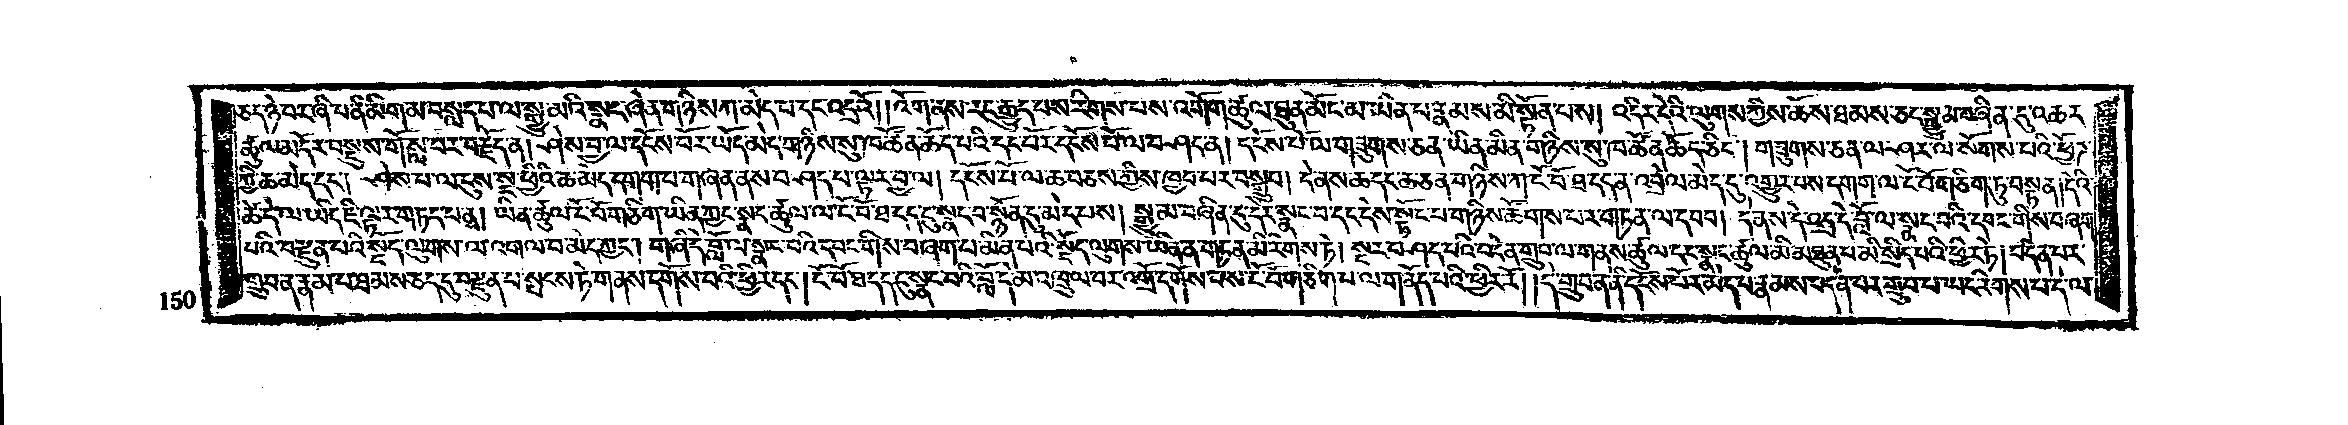ཅད་ཉེ་བར་ཞི་བ་ནི་མིག་མ་བསླད་པ་ལ་སྒྱུ་མའི་སྣང་ཞེན་གཉིས་ཀ་མེད་པ་དང་འདྲའོ། །འོག་ནས་རང་རྒྱུད་པས་རིགས་པས་འགོག་ཚུལ་ཐུན་མོང་མ་ཡིན་པ་རྣམས་མི་སྟོན་པས། འདིར་དེའི་ལུགས་ཀྱིས་ཆོས་ཐམས་ཅད་སྒྱུ་མ་བཞིན་དུ་འཆར་
ཚུལ་མདོར་བསྡུས་གོ་སླ་བར་བརྗོད་ན། ཤེས་བྱ་ལ་དངོས་པོར་ཡོད་མེད་གཉིས་སུ་ཁ་ཚོན་ཆོད་པའི་དང་པོར་དངོས་པོ་ལ་བཤད་ན། དངོས་པོ་ལ་གཟུགས་ཅན་ཡིན་མིན་གཉིས་སུ་ཁ་ཚོན་ཆོད་ཅིང་། གཟུགས་ཅན་ལ་ཤར་ལ་སོགས་པའི་ཕྱོགས་
ཀྱི་ཆ་མེད་དང་། ཤེས་པ་ལ་དུས་སྔ་ཕྱིའི་ཆ་མེད་དགག་པ་གཞན་ནས་བཤད་པ་ལྟར་བྱ་ལ། དངོས་པོ་ལ་ཆ་བཅས་ཀྱིས་ཁྱབ་པར་བསྒྲུབ། དེ་ནས་ཆ་དང་ཆ་ཅན་གཉིས་ཀ་ངོ་བོ་ཐ་དད་ན་འབྲེལ་མེད་དུ་འགྱུར་བས་དགག་ལ་ངོ་བོ་གཅིག་ཏུ་བསྟན། དེའི་
ཚེ་དེ་ལ་ཡིད་ཇི་ལྟར་གཏད་པ་ན། ཡིན་ཚུལ་ངོ་བོ་གཅིག་ཡིན་ཀྱང་སྣང་ཚུལ་ལ་ངོ་བོ་ཐ་དད་དུ་སྣང་བ་སྙོན་དུ་མེད་པས། སྒྱུ་མ་བཞིན་དུ་དེར་སྣང་བ་དང་དེས་སྟོང་པ་གཉིས་ཚོགས་པར་གཏན་ལ་དབབ། དེ་ནས་དེ་འདྲ་དེ་བློ་ལ་སྣང་བའི་དབང་གིས་བཞག་
བའི་བརྫུན་པའི་སྡོད་ལུགས་ལ་འགལ་བ་མེད་ཀྱང་། གཞི་དེ་བློ་ལ་སྣང་བའི་དབང་གིས་བཞག་པ་མིན་པའི་སྡོད་ལུགས་ཡིན་ན་གཏན་མི་རིགས་ཏེ། སྔར་བཤད་པའི་བདེན་གྲུབ་ལ་གནས་ཚུལ་དང་སྣང་ཚུལ་མི་མཐུན་པ་མི་སྲིད་པའི་ཕྱིར་ཏེ། བདེན་པར་
གྲུབ་ན་རྣམ་པ་ཐམས་ཅད་དུ་བརྫུན་པ་སྤངས་ཏེ་གནས་དགོས་པའི་ཕྱིར་དང་། ངོ་བོ་ཐ་དད་དུ་སྣང་བའི་བློ་དེ་མ་འཁྲུལ་བར་འགྲོ་དགོས་པས་ངོ་བོ་གཅིག་པ་ལ་གནོད་པའི་ཕྱིར་རོ། །དེ་གྲུབ་ན་ནི་དངོས་པོར་མེད་པ་རྣམས་བདེན་པར་གྲུབ་པ་ཡང་རིགས་པ་དེ་ལ་